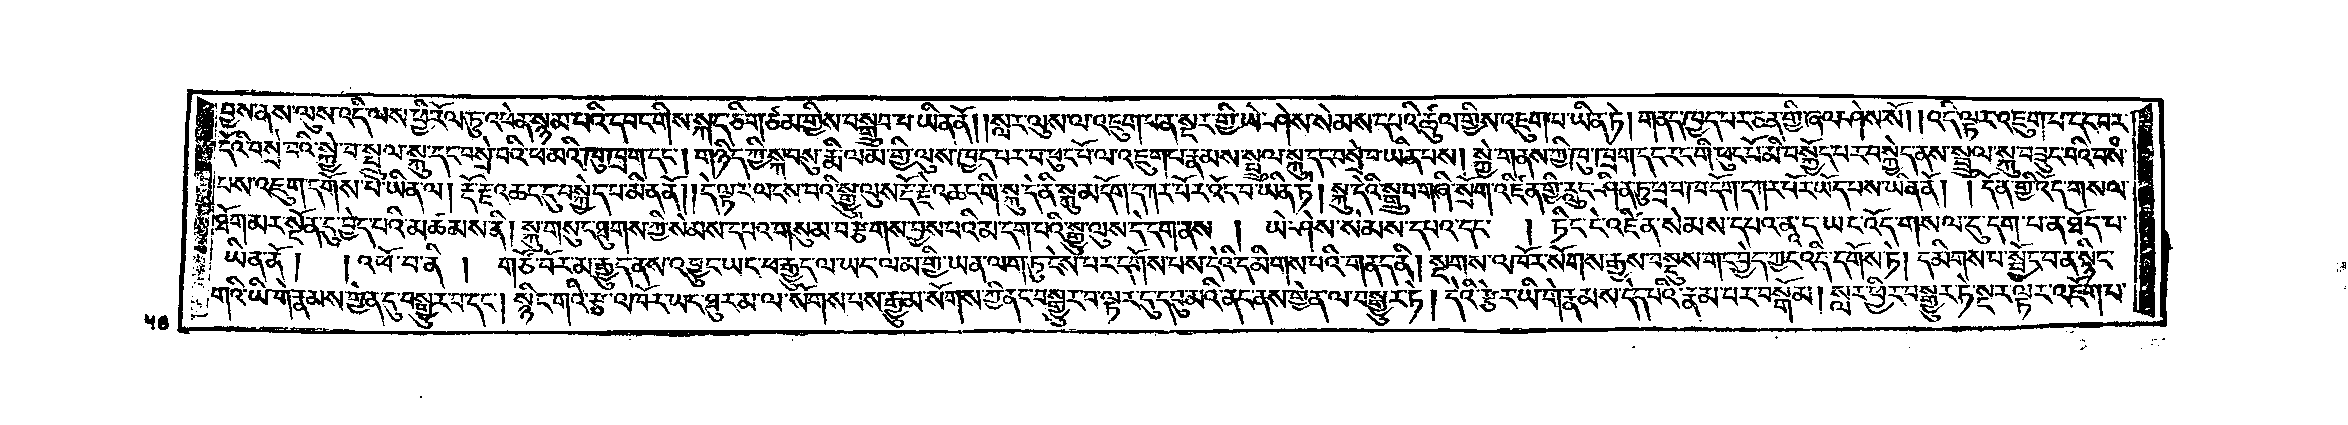བྱས་ནས་ལུས་འདི་ལས་ཕྱི་རོལ་ཏུ་འཕེན་སྙམ་པའི་དབང་གིས་སྐད་ཅིག་ཙམ་གྱིས་བསྒྲུབ་པ་ཡིན་ནོ། །སླར་ལུས་ལ་འཇུག་པ་ན་སྔར་གྱི་ཡེ་ཤེས་སེམས་དཔའི་ཚུལ་གྱིས་འཇུག་པ་ཡིན་ཏེ། གནད་ཁྱད་པར་ཅན་གྱི་ཞལ་ཤེས་སོ། །འདི་ལྟར་འཇུག་པ་དང་བར་
དོའི་བསྲེ་བའི་སྐྱེ་བ་སྤྲུལ་སྐུ་དང་བསྲེ་བའི་ཕ་མའི་ཁུ་ཁྲག་དང་། གཉིད་ཀྱི་སྐབས་སུ་རྨི་ལམ་གྱི་ལུས་ཁྱད་པར་བ་ཕུང་པོ་ལ་འཇུག་པ་རྣམས་སྤྲུལ་སྐུ་དང་བསྲེ་བ་ཡིན་པས། སྐྱེ་གནས་ཀྱི་ཁུ་ཁྲག་དང་རང་གི་ཕུང་པོ་མི་བསྐྱོད་པར་བསྐྱེད་ནས་སྦྲུལ་སྐུ་བཟུང་བའི་བསམ་
པས་འཇུག་དགོས་པ་ཡིན་ལ། རྡོ་རྗེ་འཆང་དུ་བསྐྱེད་པ་མིན་ནོ། །དེ་ལྟར་ལངས་པའི་སྒྱུ་ལུས་རྡོ་རྗེ་འཆང་གི་སྐུ་དེ་ནི་སྐུ་མདོག་དཀར་པོར་འོང་བ་ཡིན་ཏེ། སྐུ་དེའི་སྒྲུབ་གཞི་སྲོག་འཛིན་གྱི་རླུང་ཤིན་ཏུ་ཕྲ་བ་ཁ་དོག་དཀར་པོར་ཡོད་པས་ཡིན་ནོ། །དོན་གྱི་འོད་གསལ་
ཐོག་མར་སྔོན་དུ་བྱེད་པའི་མཚམས་ནི། སྐུ་གསུང་ཐུགས་ཀྱི་སེམས་དཔའ་གསུམ་བརྩེགས་བྱས་པའི་མ་དག་པའི་སྒྱུ་ལུས་དེ་དག་ནས། ཡེ་ཤེས་སེམས་དཔའ་དང་། ཏིང་ངེ་འཛིན་སེམས་དཔའ་ནཱ་ད་ཡང་འོད་གསལ་དུ་དག་པ་ན་ཐོབ་པ་
ཡིན་ནོ། །འཕོ་བ་ནི། གཙོ་བོར་མ་རྒྱུད་ནས་འབྱུང་ཡང་ཕ་རྒྱུད་ལ་ཡང་ལམ་གྱི་ཡན་ལག་ཏུ་ངེས་པར་དགོས་པས་དེའི་དམིགས་པའི་གནད་ནི། སྔགས་འཁོར་སོགས་རྒྱས་བསྡུས་གང་བྱེད་ཀྱང་འདི་དགོས་ཏེ། དམིགས་པ་སྦྱོང་བ་ན་སྙིང་
གའི་ཡི་གེ་རྣམས་གྱེན་དུ་བསྒྱུར་བ་དང་། སྙིང་གའི་རྩ་འཁོར་ཡང་ཐུར་མ་ལ་སོགས་པས་རྒྱུ་མ་སོགས་ཀྱི་ནང་བསྒྱུར་བ་ལྟར་དུ་དབུ་མའི་ནང་ནས་གྱེན་ལ་བསྒྱུར་ཏེ། དེའི་རྩེར་ཡི་གེ་རྣམས་དེད་པའི་རྣམ་པར་བསྒོམ། སླར་ཕྱིར་བསྒྱུར་ཏེ་སྔར་ལྟར་འཇོག་པ་